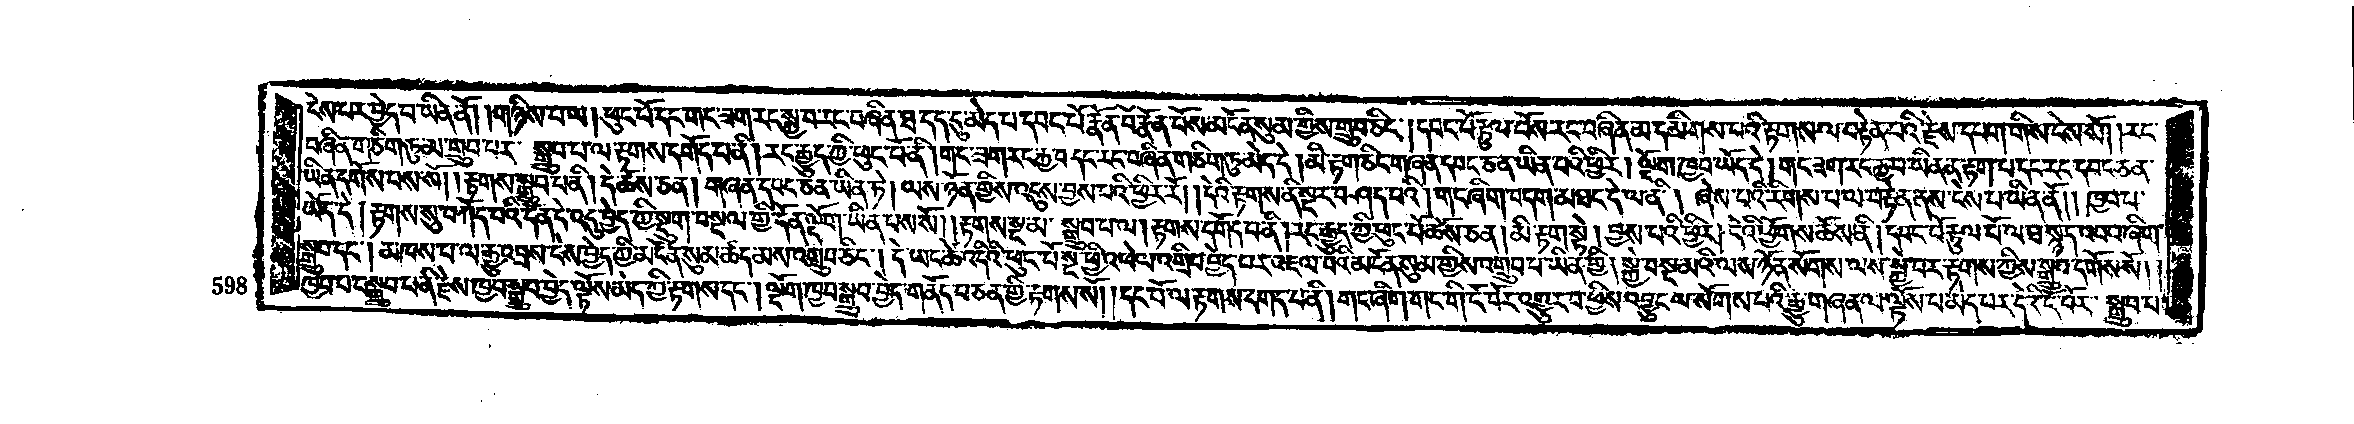ངེས་པར་བྱེད་ཡིན་ནོ། །གཉིས་པ་ལ། ཕུང་པོ་དང་གང་ཟག་རང་སྐྱ་བ་རང་བཞིན་ཐ་དད་དུ་མེ་དཔ་དབང་པོ་རྣོན་པོ་རྣོན་པོས་མངོན་སུམ་གྱིས་གྲུབ་ཅིང་། དབང་པོ་རྟུལ་པོས་རང་བཞིན་མ་དམིགས་པའི་རྟགས་ལ་བརྟེན་པའི་རྗེས་དཔག་གིས་ངེས་སོ། །རང་
བཞིན་གཅིག་ཏུ་མ་གྲུབ་པར་སྒྲུབ་པ་ལ་རྟགས་དགོད་པ་ནི། རང་རྒྱུད་ཀྱི་ཕུང་པོ་ནི། གང་ཟག་རང་རྐྱ་བ་དང་རང་བཞིན་གཅིག་ཏུ་མེད་དེ། མི་རྟག་ཅིང་གཞན་དབང་ཅན་ཡིན་པའི་ཕྱིར། ལྡོག་ཁྱབ་ཡོད་དེ། གང་ཟག་རང་རྐྱ་བ་ཡིན་ན་རྟག་པ་དང་རང་དབང་ཅན་
ཡིན་དགོས་པས་སོ། །རྟགས་སྒྲུབ་པ་ནི། དེ་ཆོས་ཅན། གཞན་དབང་ཅན་ཡིན་ཏེ། ལས་ཉོན་གྱིས་འདུས་བྱས་པའི་ཕྱིར་རོ། །དེའི་རྟགས་ནི་སྔར་བཤད་པའི། །གང་ཞིག་བདག་མཐང?་དེ་ལ་ནི། ཞེས་པའི་རིགས་པ་ལ་བརྟེན་ནས་ངེས་པ་ཡིན་ནོ། །ཁྱབ་པ་
ཡོད་དེ། རྟགས་སུ་བཀོད་པའི་དོན་དེ་འདུ་བྱེད་ཀྱི་སྡུག་བསྔལ་གྱི་དོན་ལྡོག་ཡིན་པས་སོ། །རྟགས་སྔ་མ་སྒྲུབ་པ་ལ། རྟགས་དགོད་པ་ནི། རང་རྒྱུད་ཀྱི་ཕུང་པོ་ཆོས་ཅན། མི་རྟག་སྟེ། བྱས་པའི་ཕྱིར། དེའི་ཕྱོགས་ཆོས་ནི། དབང་པོ་རྟུལ་པོ་ལ་ཐ་སྙད་འབའ་ཞིག་
སྒྲུབ་དང་། མཁས་པ་ལ་རྒྱུ་འབྲས་ངེས་བྱེད་ཀྱི་མངོན་སུམ་ཚད་མས་འགྲུབ་ཅིང་། དེ་ཡང་ཚེ་འདིའི་ཕུང་པོ་ལྔ་ཕྱི་འཕེལ་འགྲིབ་བྱེད་པར་འཇལ་བའི་མངོན་སུམ་གྱིས་འགྲུབ་པ་ཡིན་གྱི་།སྐྱེ་བ་སྔ་མའི་ལས་ཉོན་སོགས་ལས་སྐྱེ་བར་རྟགས་ཀྱིས་སྒྲུབ་དགོས་སོ། །
ཁྱབ་པ་བསྒྲུབ་པ་ནི་རྗེས་ཁྱབ་སྒྲུབ་བྱེད་ལྟོས་མེད་ཀྱི་རྟགས་དང་། ལྡོག་ཁྱབ་སྒྲུབ་བྱེད་གནོད་པ་ཅན་གྱི་རྟགས་སོ། །དང་པོ་ལ་རྟགས་དགོད་པ་ནི། གང་ཞིག་གང་གི་ངོ་བོར་འགྱུར་པ་ཕྱིས་འབྱུང་ལ་སོགས་པའི་རྒྱུ་གཞན་ལ་ལྟོས་པ་མེད་པར་དེའི་ངོ་བོར་སྒྲུབ་པ་